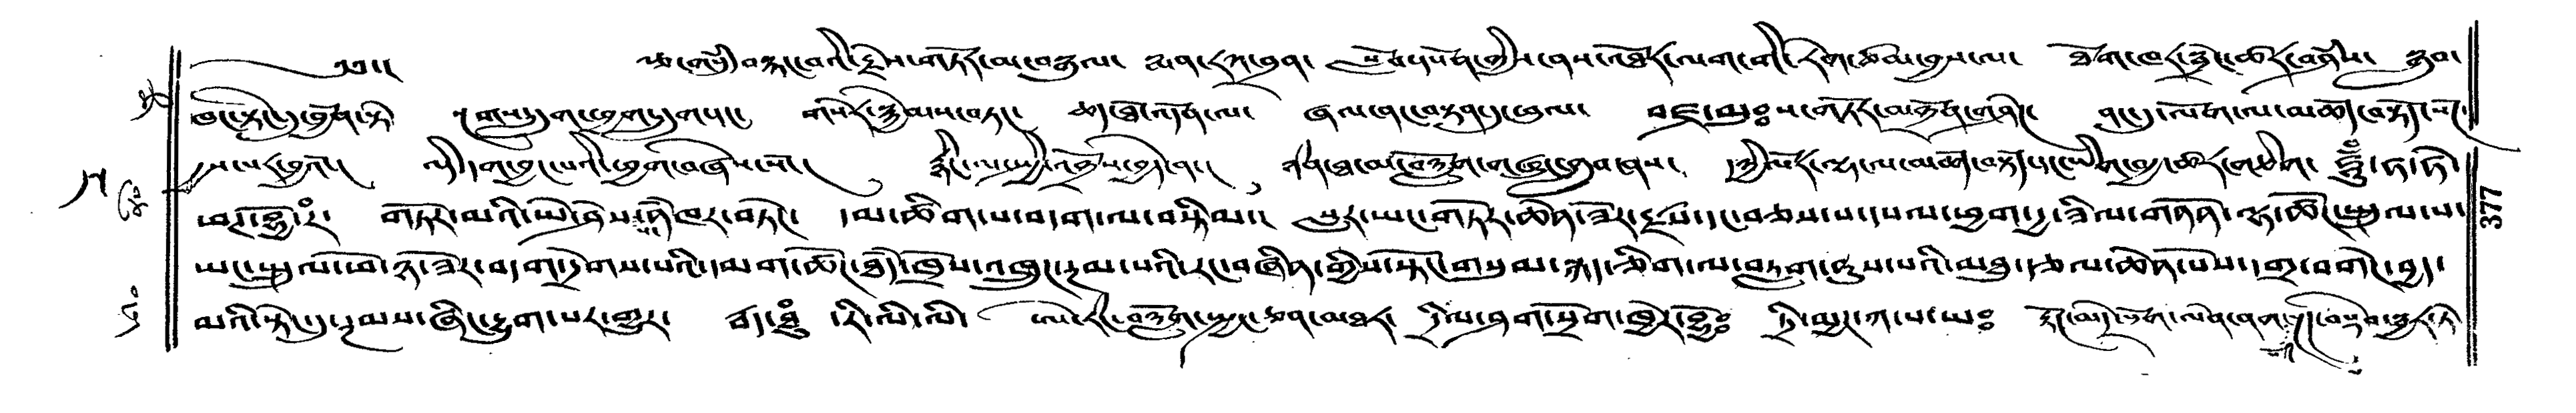རྩ་གསུམ་བསྐང་བའི་རྗེས་གཏོར་མ་བསྒུལ། སྨན་རཀ་བྲན། སློབ་དཔོན་གྱིས་ནས་འཐོར་ལག་གི་རེག་ཙམ་བྱས་ལ། ཐོག་ཁར་སྦྲེང་ཚར་བཤམ། སྒྲུབ་
ཁང་སྟེང་དུ་བྱོན་སྟེ། སྔགས་དྲུག་ཕྱག་དྲུག་དང་། གསེར་སྐྱེམས་གཏང་། ཆད་ཐོ་འདོན་ལ། ཞལ་ནང་བསྟན་དུ་ཕུལ། བཛྲ་མུཿ ས་གཏོར་མགྲོན་གཤེགས། ནང་དུ་ལོག་ལ་མཆོད་བསྟོད་སོགས་
རྒྱས་པར་བྱའོ། འདི་དག་བྱང་པའི་ཕྱག་བཞེས་སོ། རྙིང་མ་སྤྱི་འགྲོས་བྱེད་ན། ཉིན་ཐ་མ་བཟློག་གཞུང་གྲུབ་ནས། དཀྱིལ་འཁོར་ལྷ་ལ་མཆོད་བསྟོད་དང་ཡིག་བརྒྱ་ཚར་གཅིག ཧཱུྃ་ཧ་ཧེ་
ཕཊཿབྷྱོ་རཾ། གཏོར་མའི་ཡེ་ཤེས་པ་ནམ་མཁར་བཏེགས། དམ་ཚིག་པ་བདག་ལ་བསྟིམ། སླར་ཡང་གཏོར་ཆེན་ཟོར་རྫས་དང་བཅས་པ་དཔལ་ཕྱག་རྒྱ་ཟིལ་གནོན་ལྷ་ཚོགས་སྤྲུལ་པ་
ཡང་སྤྲུལ་ཕོ་ཉ་ཟོར་བདག་དྲེགས་པའི་དམག་ཚོགས་ཐམས་ཅད་ཁྲོས་འཁྲུགས་རྔམ་པའི་རང་བཞིན་གྱིས་སྟོང་གསུམ་སྐད་ཅིག་ལ་བརླག་ནུས་པའི་མཐུ་རྩལ་ཆེན་པོས་དགྲ་བགེགས་བྱད་
མའི་སྟེང་དུ་རྔམས་ཞིང་རྒྱུག་པར་གྱུར། རྦད་ཐུཾ། རི་ལི་ལི། ཨེ་རིང་བཟློག་སྤྱང་ཅན་མཐར། དྲིལ་ཤག་སྲོག་ཁྱེར་བྷྱོཿ ཏྲི་མྱགས་ཀ་ས་ཡ༔ རྟོགས་མེད་སྲོག་ལེན་ནག་པོའི་སྔགས་བསྡེབས་སྦྱར་ཏེ་